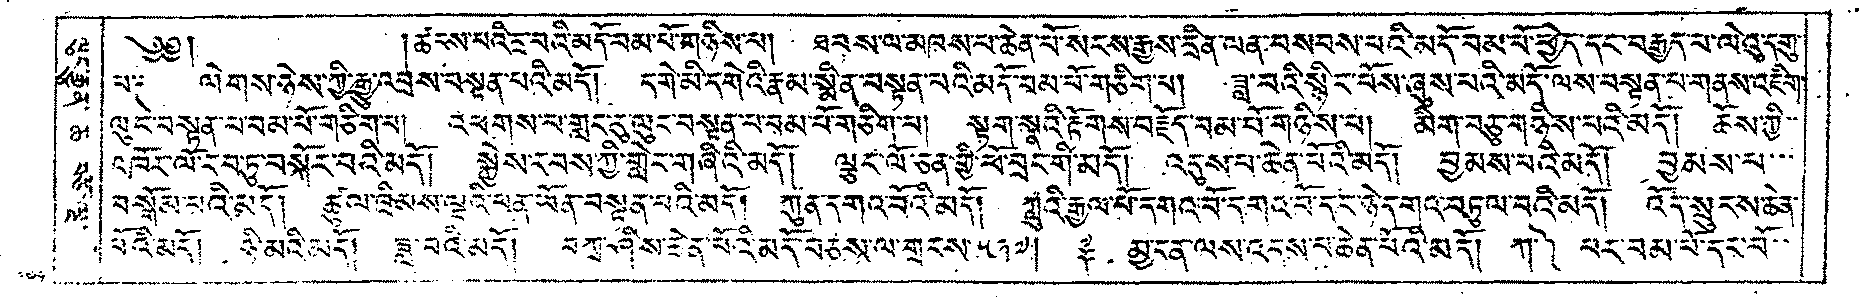༄༅། །ཚངས་པའི་དྲ་བའི་མདོ་བམ་པོ་གཉིས་པ། ཐབས་ལ་མཁས་པ་ཆེན་པོ་སངས་རྒྱས་དྲིན་ལན་བསབས་པའི་མདོ་བམ་པོ་ཕྱེད་དང་བརྒྱད་པ་ལེའུ་དགུ་
པ། ལེགས་ཉེས་ཀྱི་རྒྱུ་འབྲས་བསྟན་པའི་མདོ། དགེ་མི་དགེའི་རྣམ་སྨིན་བསྟན་པའི་མདོ་བམ་པོ་གཅིག་པ། ཟླ་བའི་སྙིང་པོས་ཞུས་པའི་མདོ་ལས་བསྟན་པ་གནས་འཇིག་
ལུང་བསྟན་པ་བམ་པོ་གཅིག་པ། འཕགས་པ་གླང་རུ་ལུང་བསྟན་པ་བམ་པོ་གཅིག་པ། སྟག་སྣའི་རྟོགས་བརྗོད་བམ་པོ་གཉིས་པ། མིག་བཅུ་གཉིས་པའི་མདོ། ཆོས་ཀྱི་
འཁོར་ལོ་རབ་ཏུ་བསྐོར་བའི་མདོ། སྐྱེས་རབས་ཀྱི་གླེང་གཞིའི་མདོ། ལྕང་ལོ་ཅན་གྱི་ཕོ་བྲང་གི་མདོ། འདུས་པ་ཆེན་པོའི་མདོ། བྱམས་པའི་མདོ། བྱམས་པ་
བསྒོམ་པའི་མདོ། ཚུལ་ཁྲིམས་ལྔའི་ཕན་ཡོན་བསྟན་པའི་མདོ། ཀུན་དགའ་བོའི་མདོ། ཀླུའི་རྒྱལ་པོ་དགའ་བོ་དགའ་བོ་དང་ཉེ་དགའ་བཏུལ་བའི་མདོ། འོད་སྲུངས་ཆེན་
པོའི་མདོ། ཉི་མའི་མདོ། ཟླ་བའི་མདོ། བཀྲ་ཤིས་ཆེན་པོའི་མདོ་བཅས་ལ་གྲངས ༥༢༧། ༈ མྱ་ངན་ལས་འདས་པ་ཆེན་པོའི་མདོ། ཀ}་པར་བམ་པོ་དང་པོ་